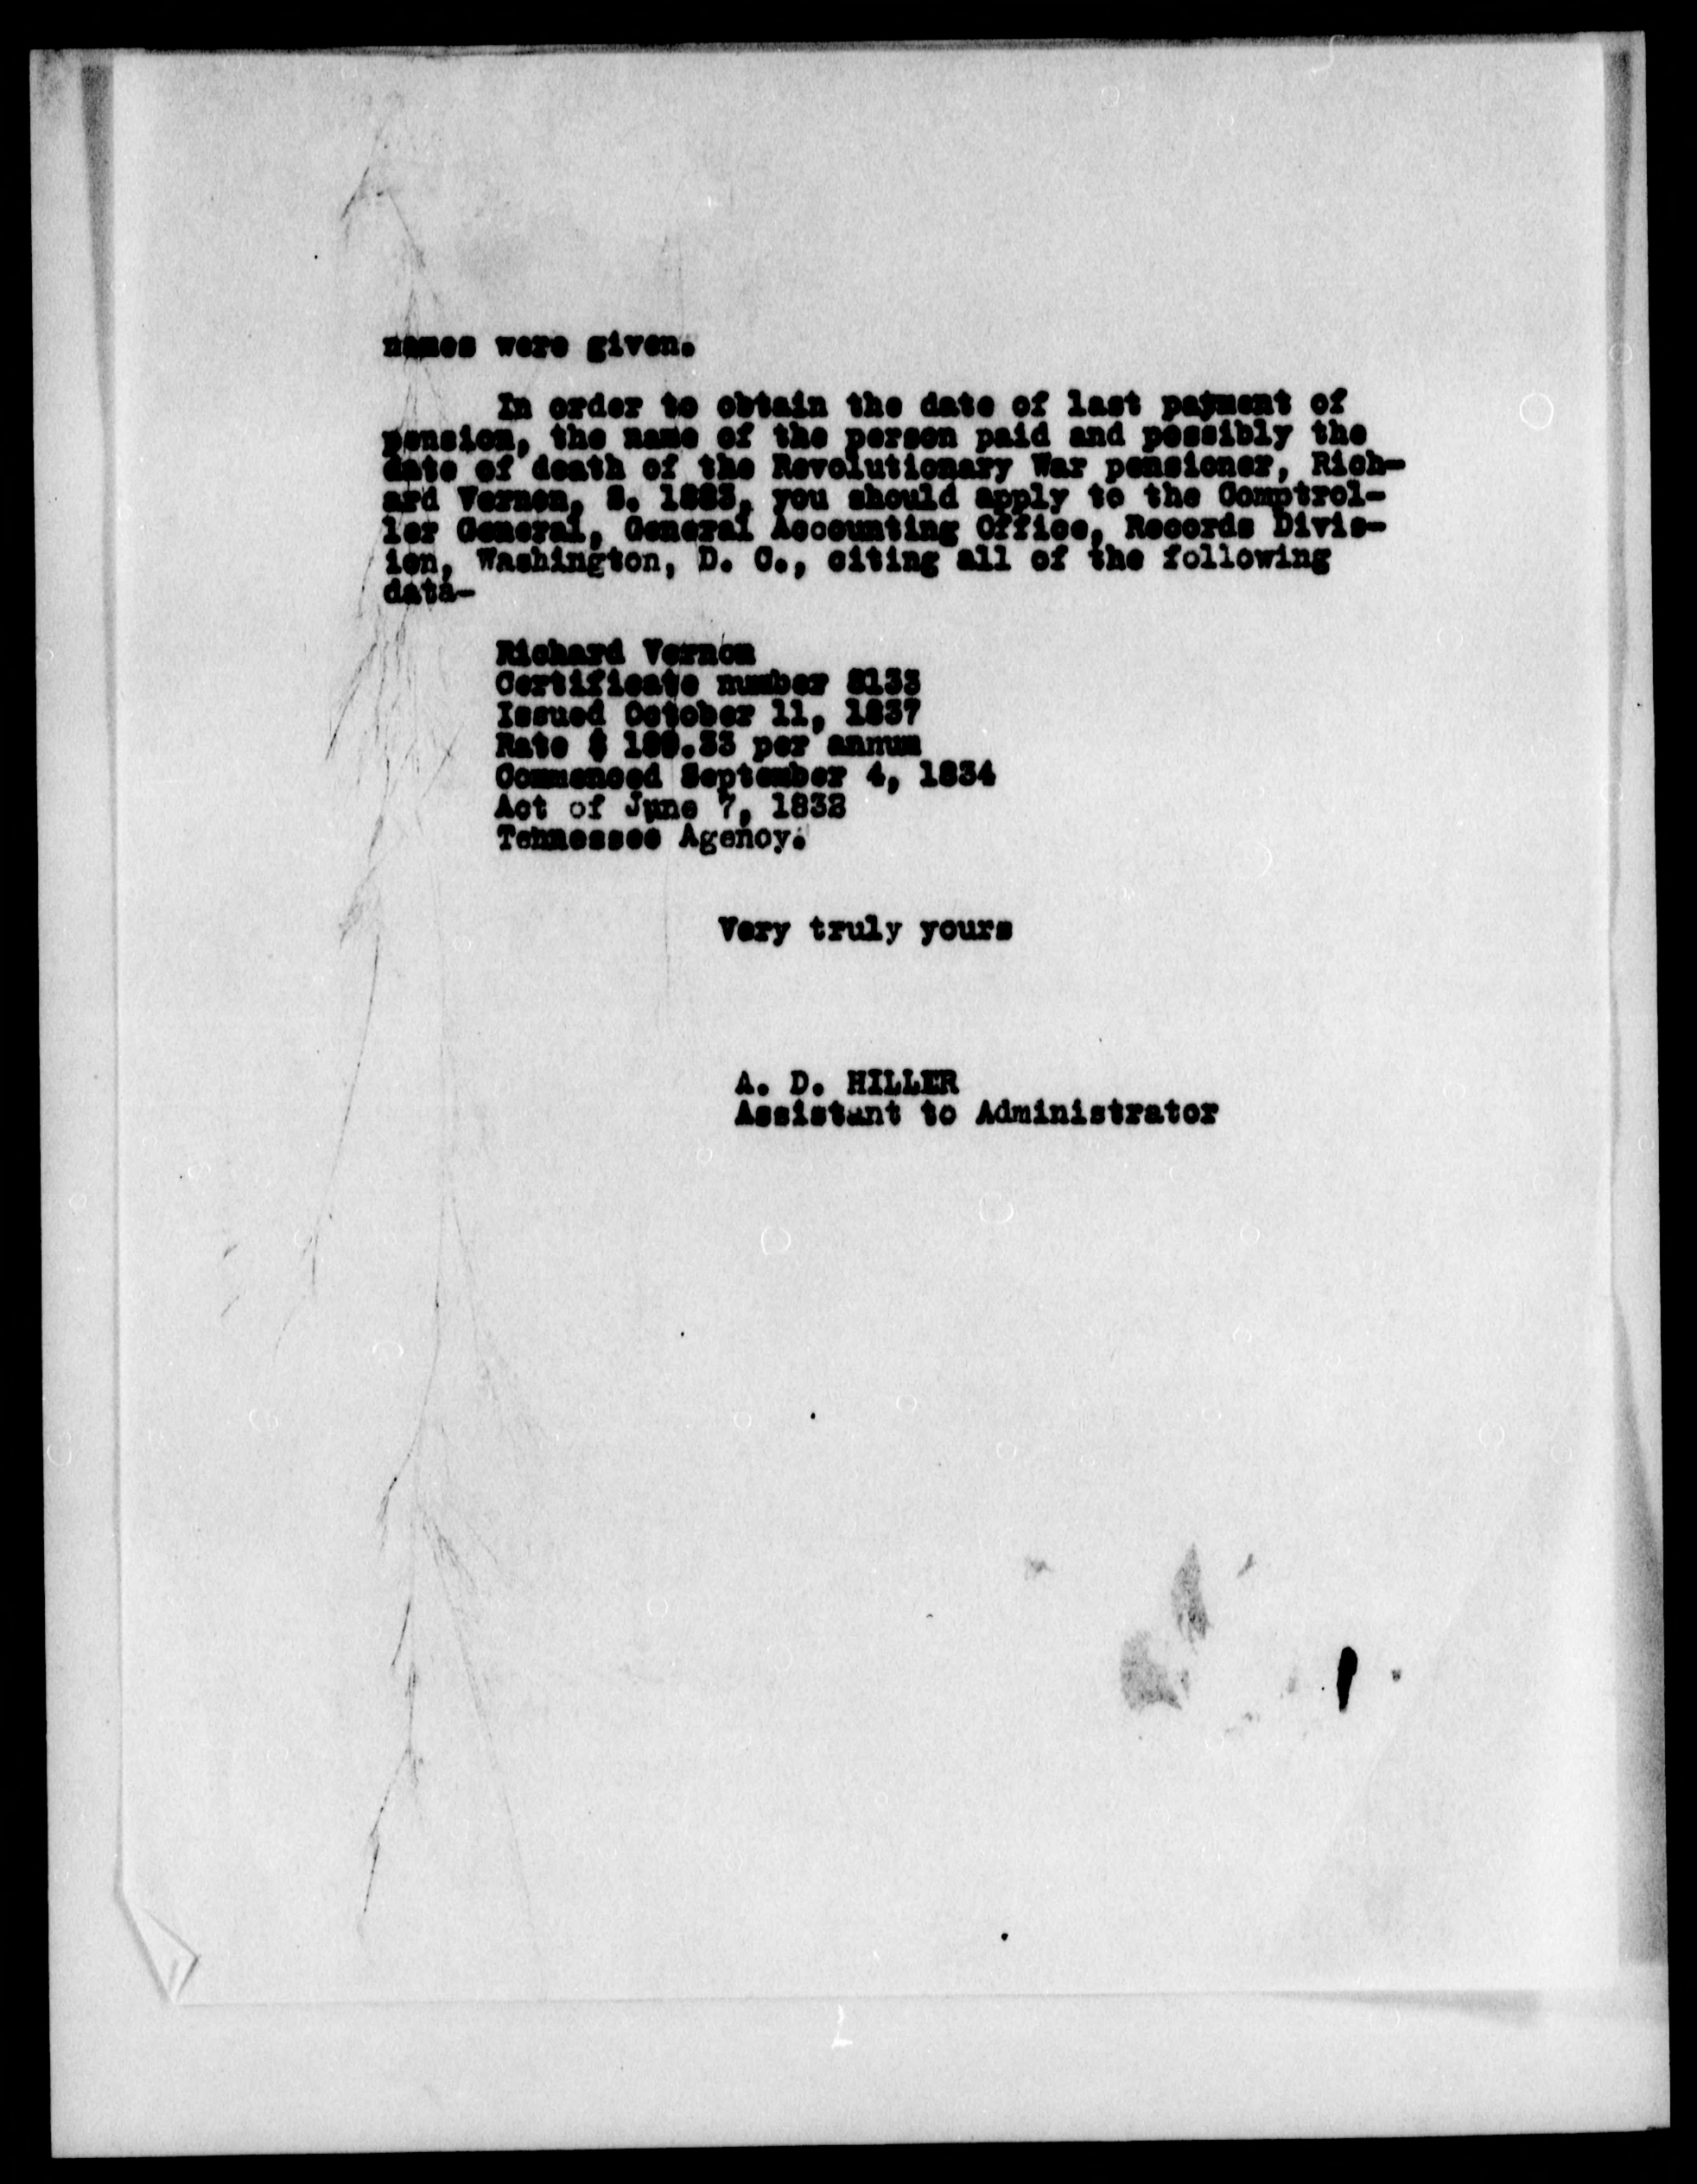names were given

In order to obtain the date of last payment of pension, the name of the person paid and possibly the date of death of the Revolutionary War pensioner, Richard Vernon, S. 1883, you should apply to the Comptroller General, General Accounting Office, records Division, Washington, D. C., citing all of the following data - 
Richard Vernon
Certificate number 8135
Issued October 11, 1837
Rate $ 189.33 per annum
Commenced September 4, 1834
Act of June 7, 1833
Tennessee Agency.

Very truly yours
A. D. HILLER
Assistant to Administrator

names: Richard Vernon, Richard Vernon, A D Hiller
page: 16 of 105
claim: survivor's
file: S. 1883, Richard Vernon, N.C.